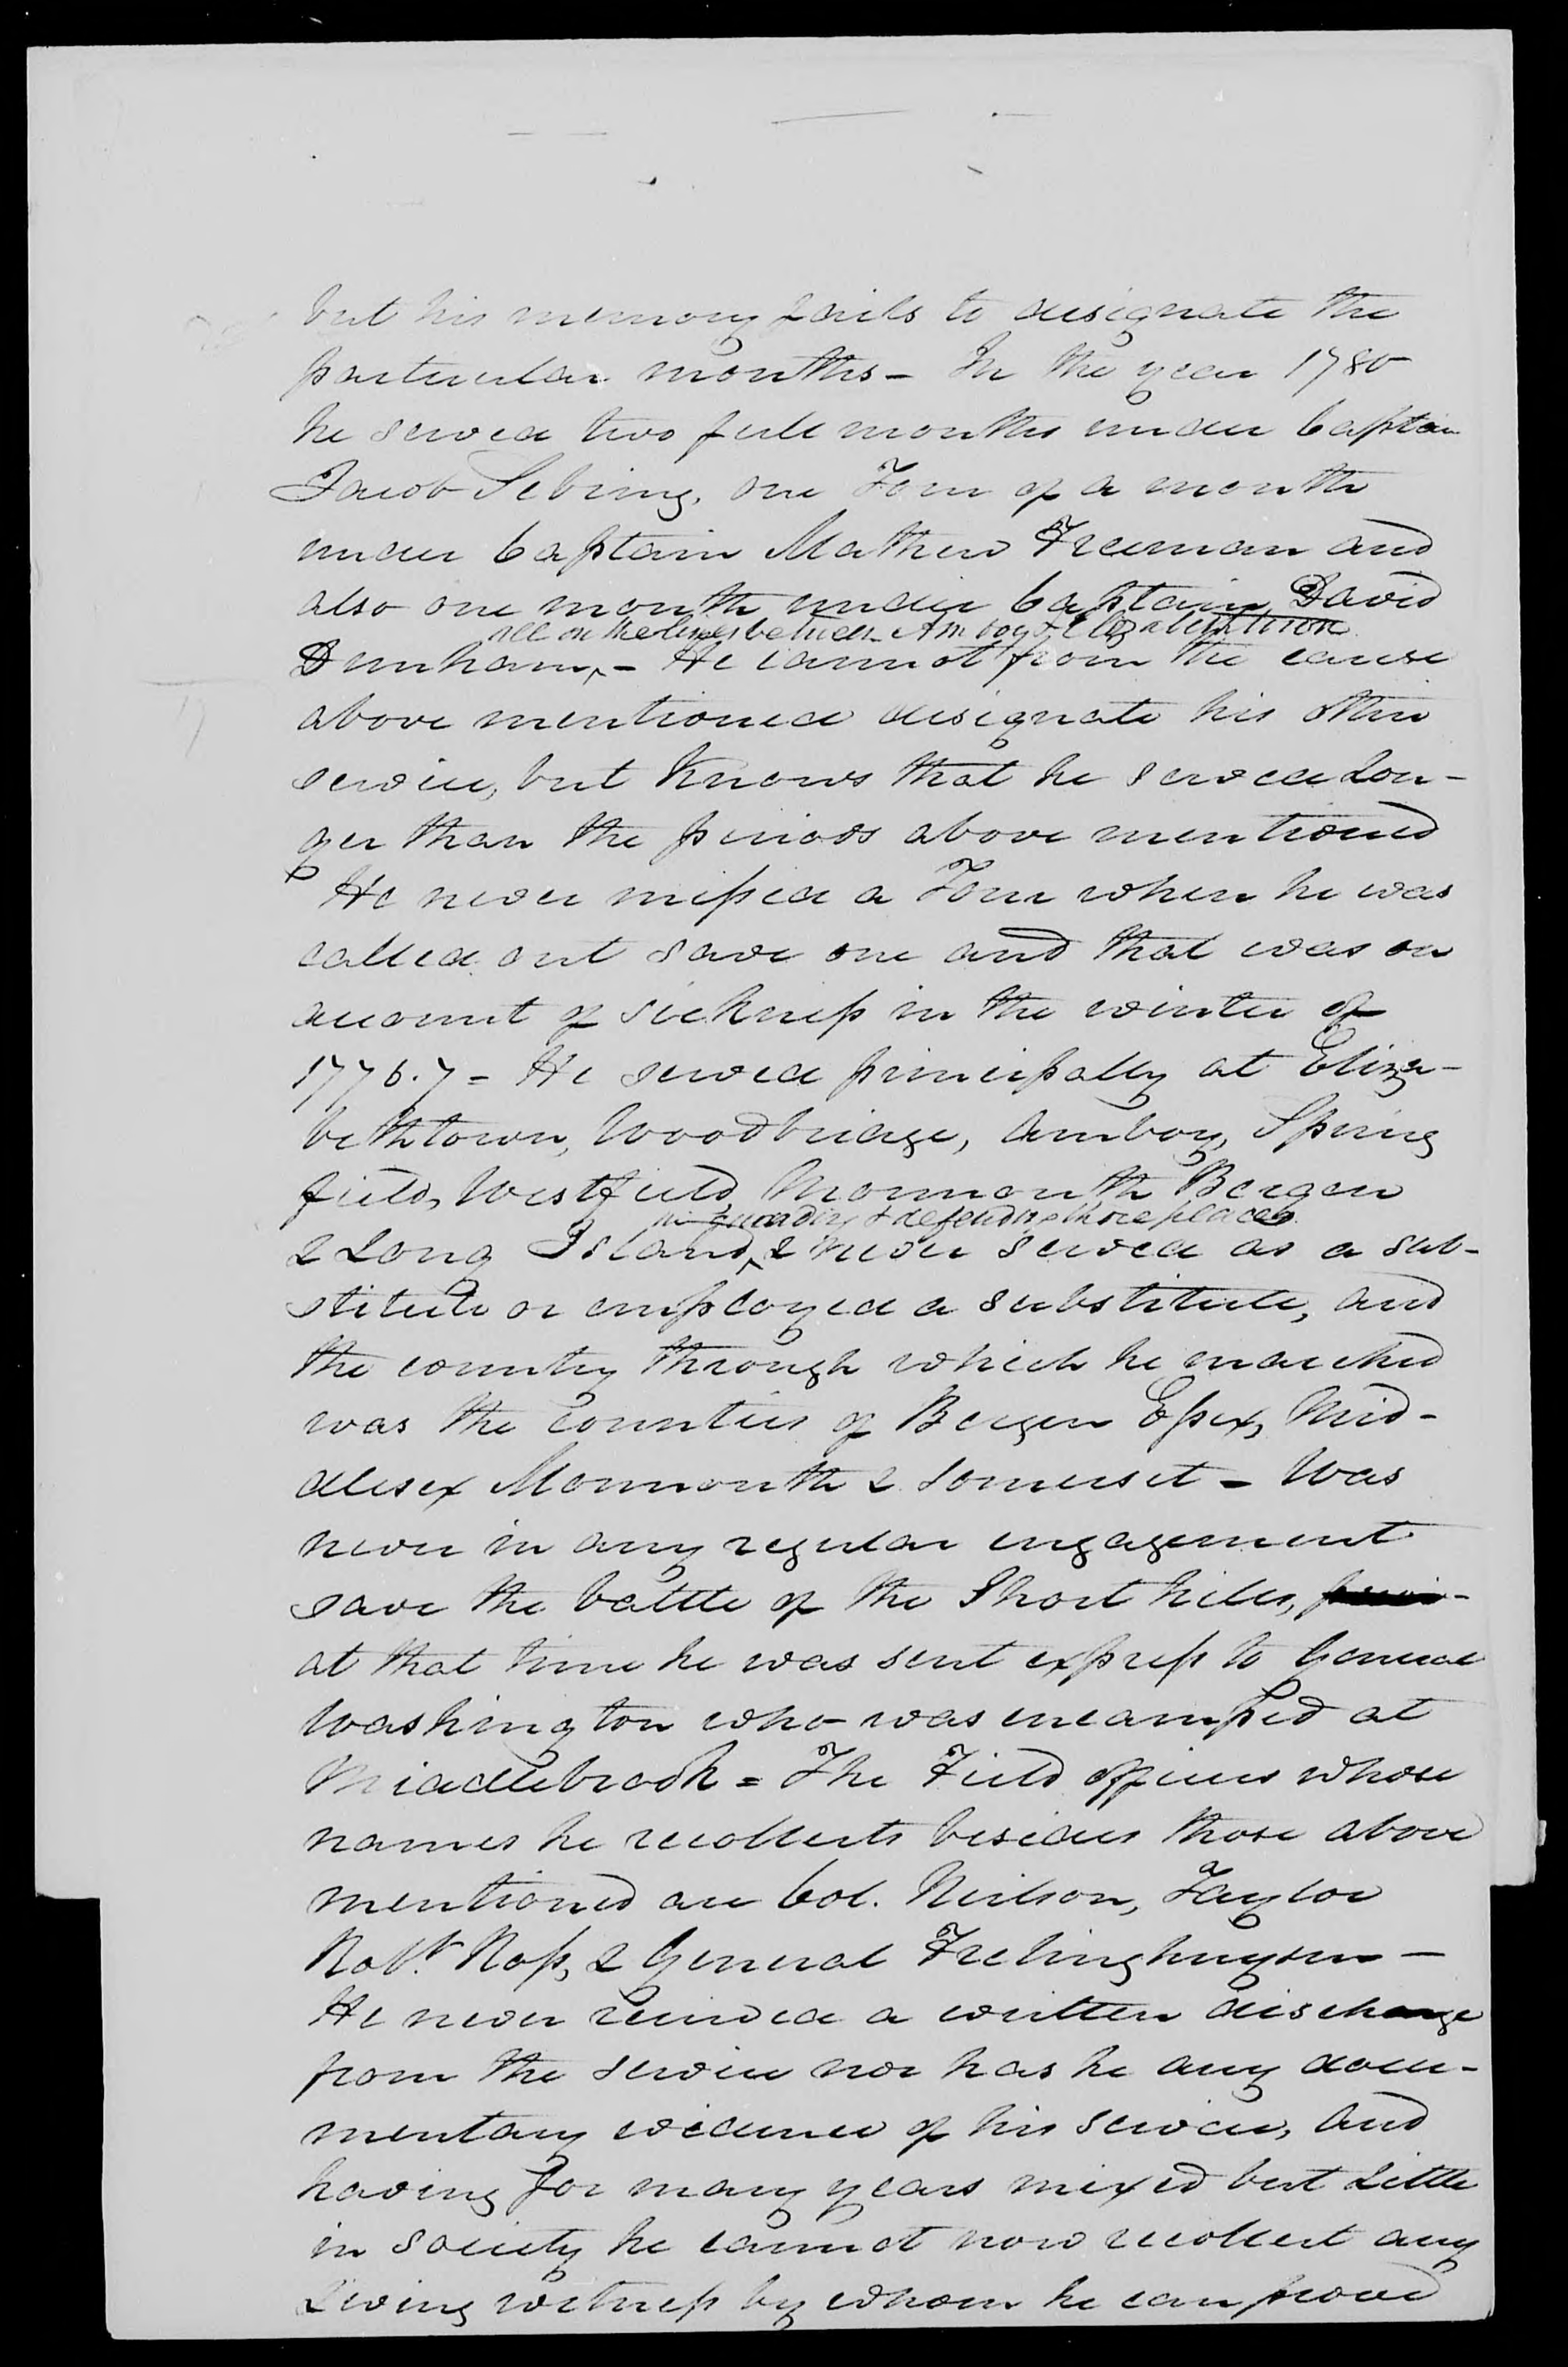but his memory fails to designate the particular months. In the year 1780 he served two full months under Captain Jacob Sebring, one Tour of a month under Captain Mathew Freeman and also one month under Captain David Dunham all on the lines between Amboy & Elizabethtown. He cannot from the cause above mentioned designate his other service, but knows that he served longer than the periods above mentioned
He never missed a Tour where he was called out save one and that was on account of sickness in the winter of 1776-7. He served principally at Elizabethtown, Woodbridge, Amboy, Springfield, Westfield, Monmouth Bergen & Long Island in guarding & defending those places & never served as a substitute or employed a substitute, and the country through which he marched was the counties of Bergen Essex, Middlesex Monmouth & Somerset. Was never in any regular engagement save the battle of the Short hills [word crossed out] at that time he was sent express to General Washington who was encamped at Middlebrook. The Field officers whose names he recollects besides those above mentioned are Col. Neilson, Taylor Rob't Ross & General Frelinghuysen. He never received a written discharge from the service nor has he any documentary evidence of his services, and having for many years mixed but little in society he cannot now recollect any living witness by whom he can prove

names: Mathew Freeman, Taylor, Jacob Sebring, Frelinghuysen, Neilson, David Dunham, Robt Ross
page: 9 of 52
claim: widow's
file: W. 919, Joel Dunn, New Jersey